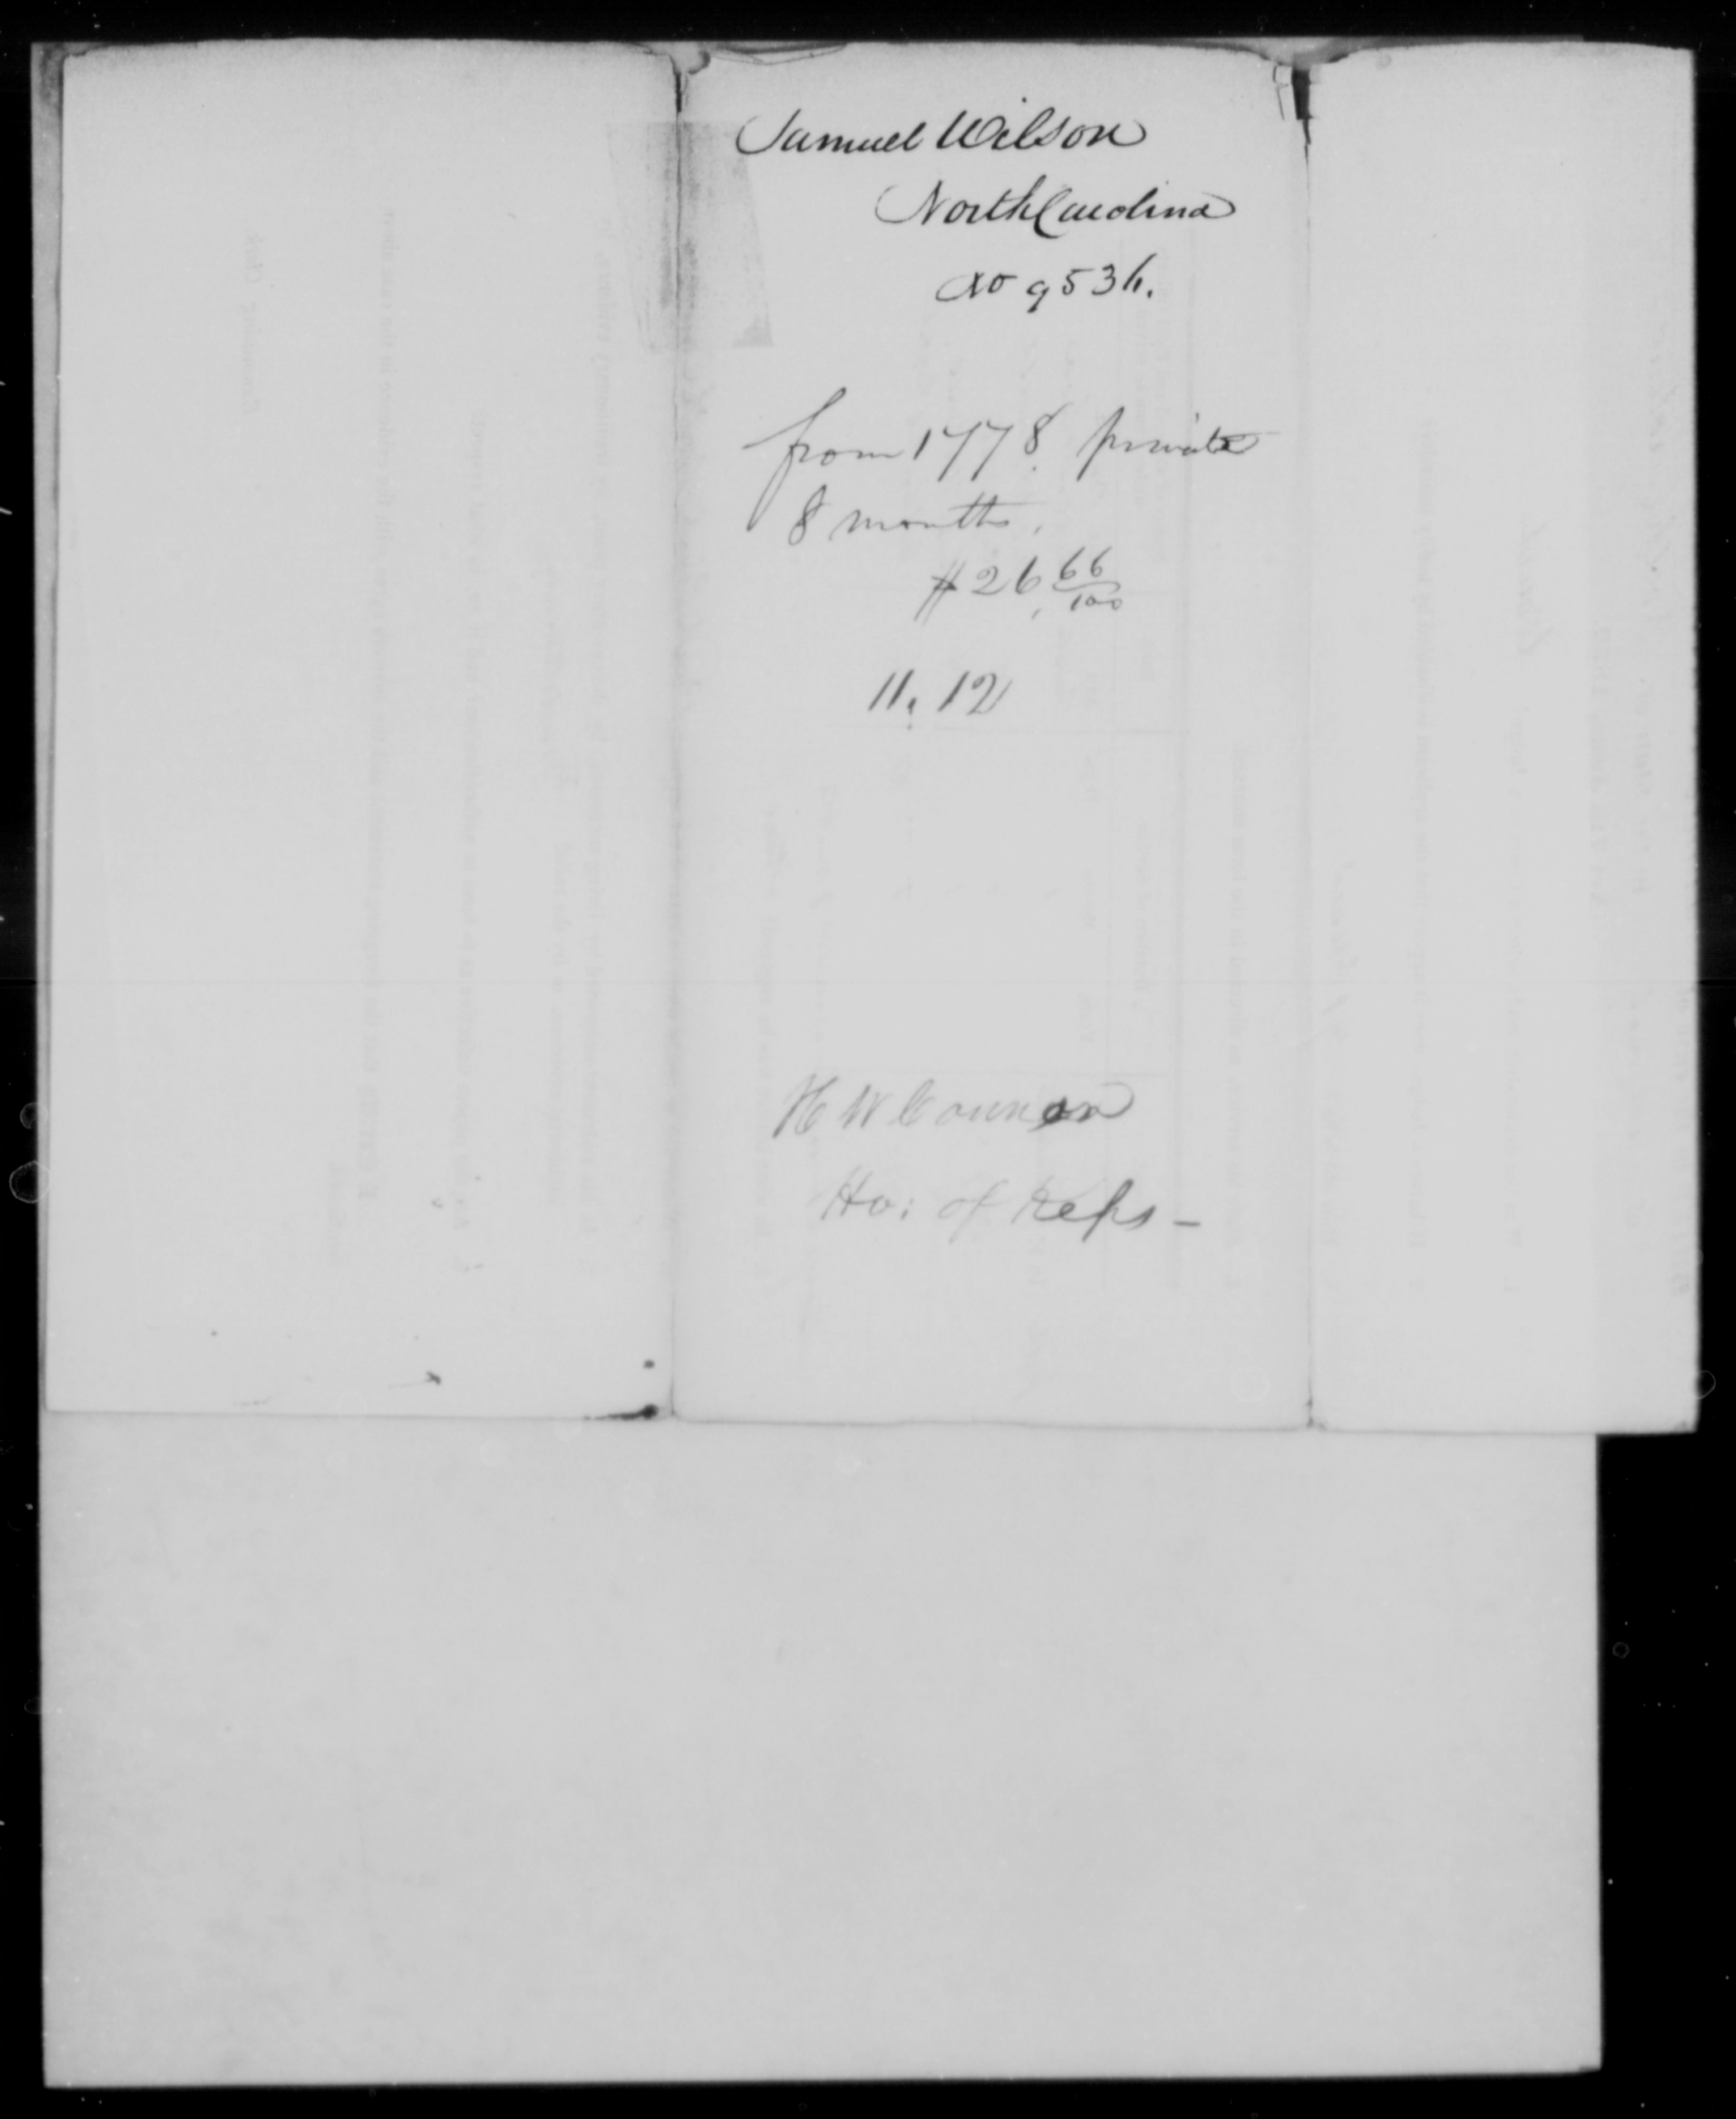Samuel Wilson
North Carolina
No 953h.
from 1778 Private
8 months
$26.66/100
11.12
H.W. Conner
House of Reps --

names: Samuel Wilson, H W Conner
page: 4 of 13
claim: survivor's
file: S. 7944, Samuel Wilson, N.C.